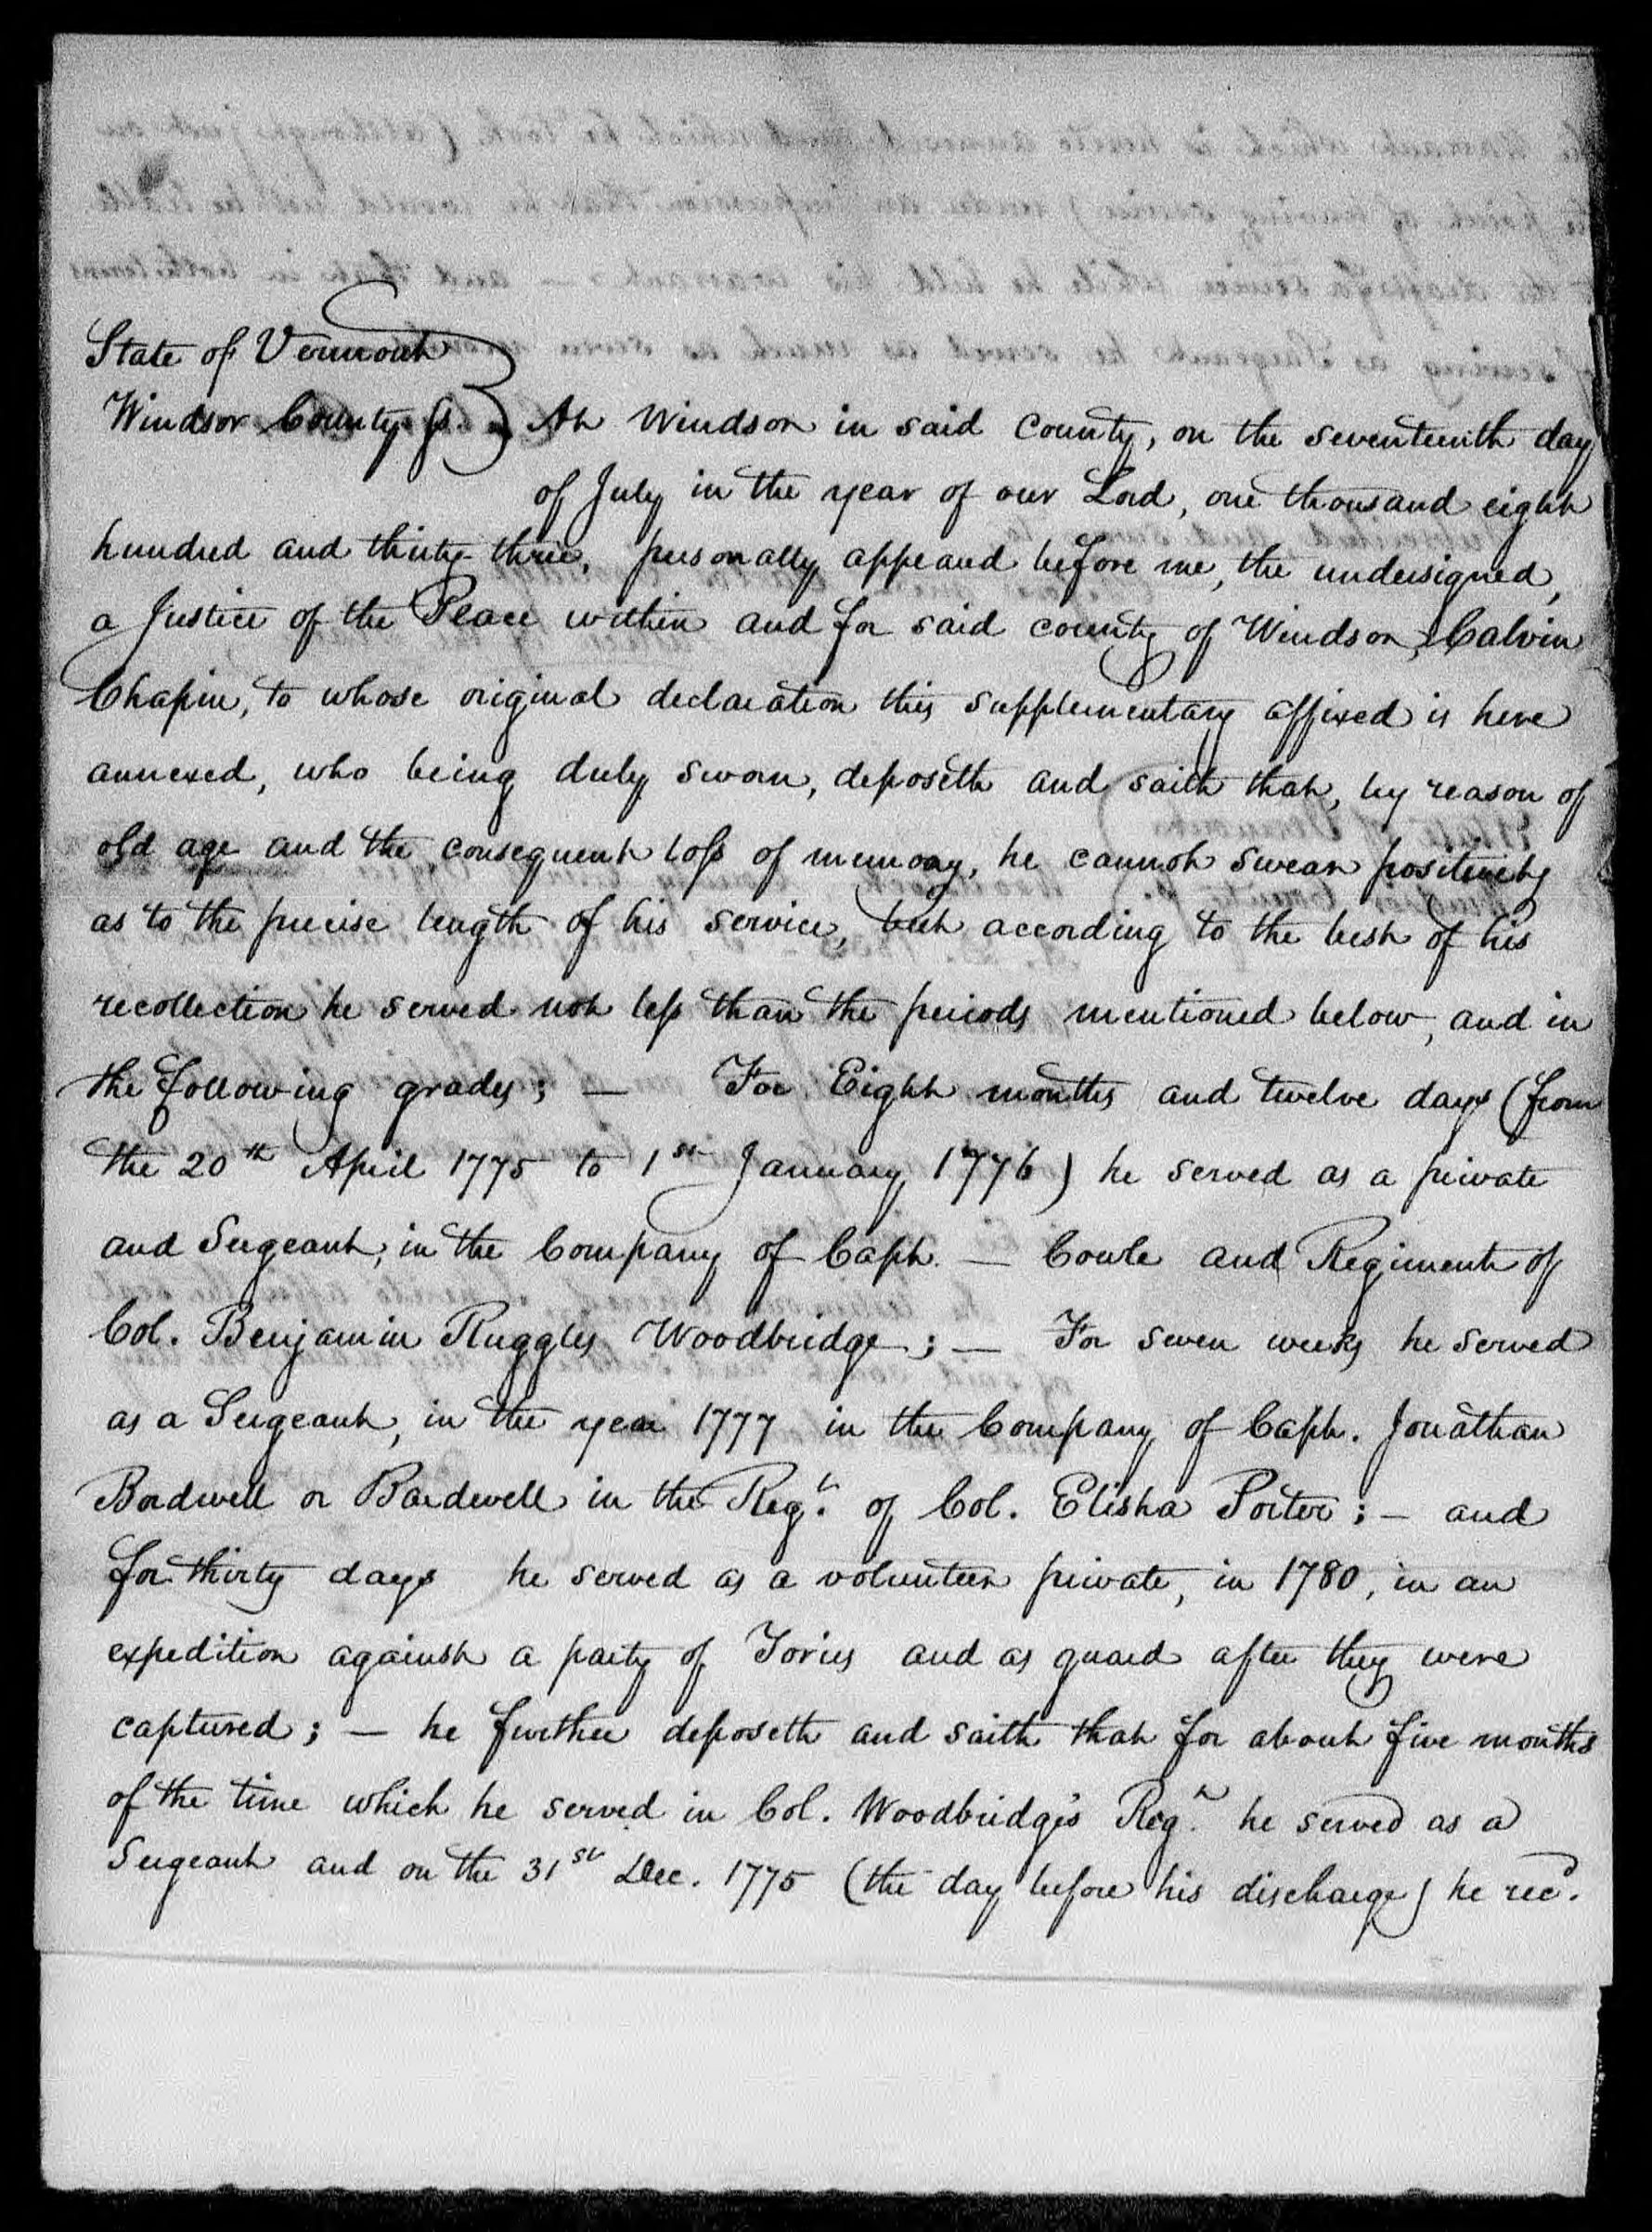State of Vermont
Windsor County ss} At Windsor in said County, on the seventeenth day of July in the year of our Lord, one thousand eight hundred and thirty three, personally appeared before me, the undersigned, a Justice of the Peace within and for said county of Windsor, Calvin Chapin, to whose original declaration this supplementary affixed is her annexed, who being duly sworn, deposeth and saith that, by reason of old age and the consequent loss of memory, he cannot swear positively as to the precise length of his service, but according to the best of his recollection he served not less than the periods mentioned below, and in the following grades - For Eight months and twelve days (from the 20th April 1775 to 1st January 1776) he served as a private and Sergeant, in the Company of Capt. - Cowle and Regiment of col. Benjamin Ruggles Woodbridge; - For seven weeks he served as a Sergeant, in the year 1777 in the Company of Capt. Jonathan Badwell or Bardwell in the Reg't of Col. Elisha Porter; - and for thirty days he served as a volunteer private, in 12780, in an expedition against a party of Tories and as guard after they were captured; - he further deposeth and saith that for about five months of the time which he served in Col. Woodbridge's Reg't he served as a Sergeant and on the 31st Dec, 1775 (the day before his discharge) he rec'd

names: Cowle, Jonathan Bordwell, Calvin Chapin, Elisha Porter, Jonathan Bardwell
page: 21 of 35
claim: widow's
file: W. 20,864, Calvin Chapin, Mass. Vt.